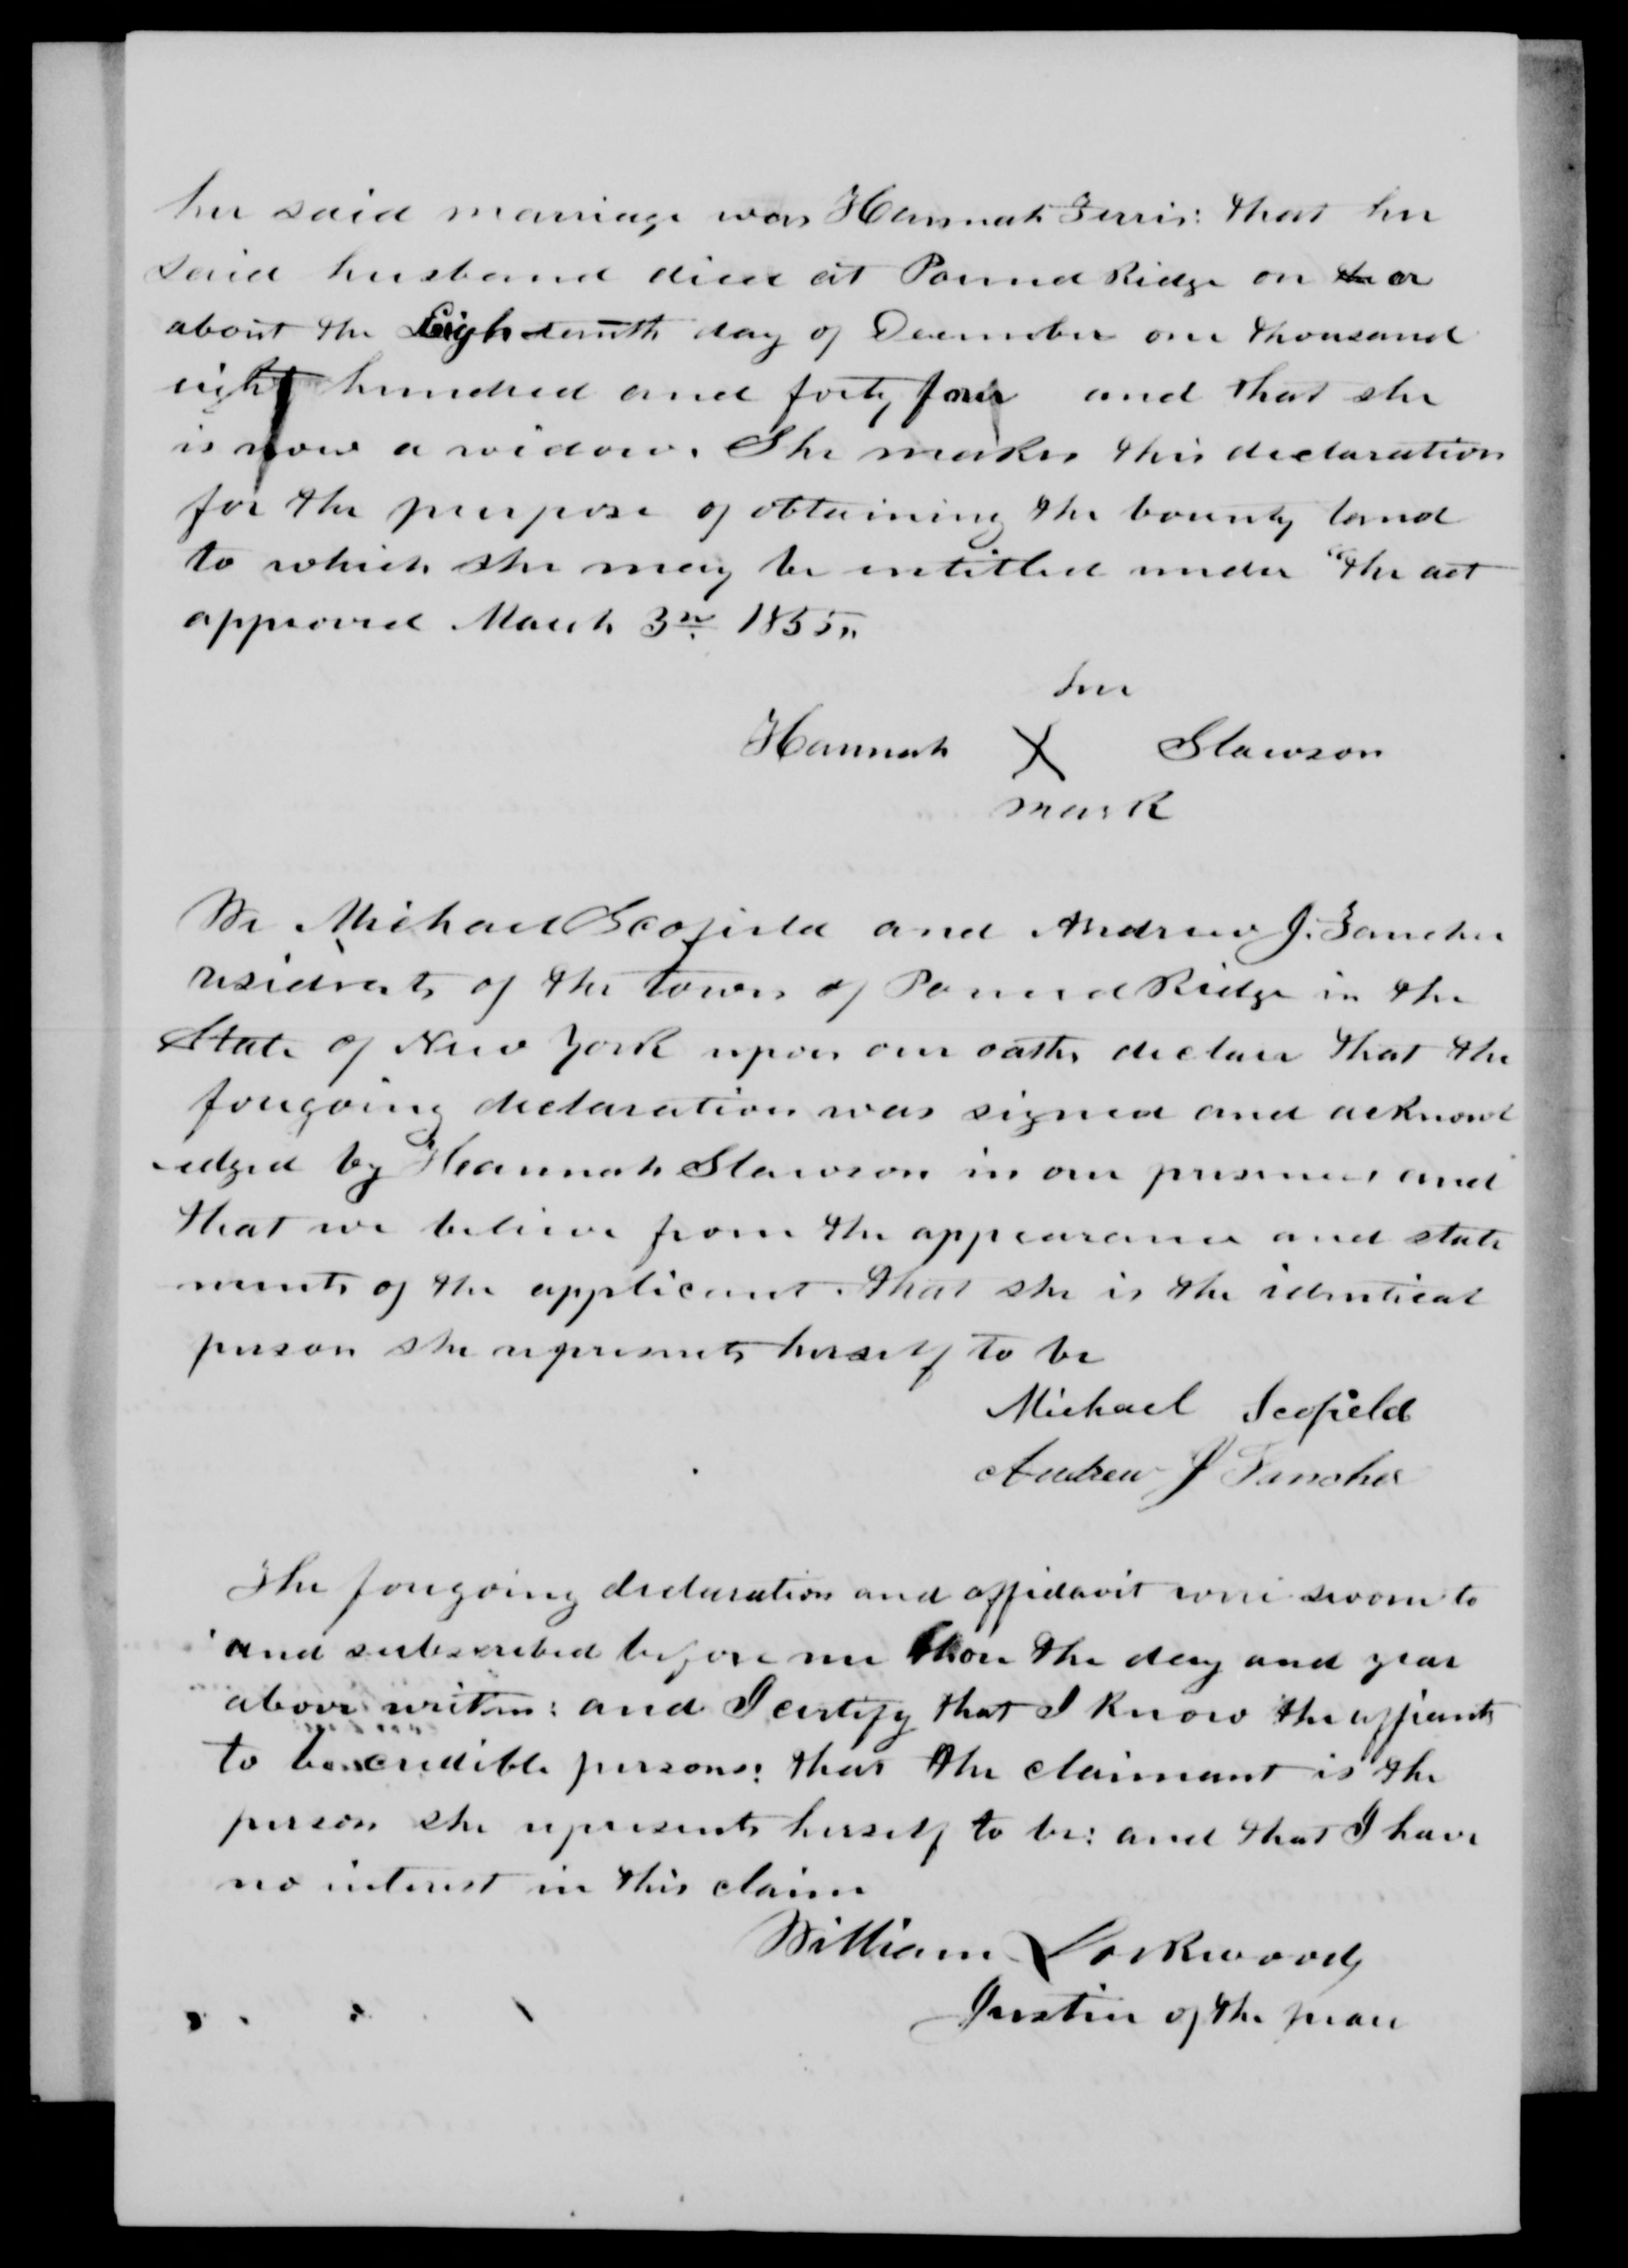her said marriage was Hannah Ferris; that he said husband died at Pound Ridge on the about the Eighteenth day of December one thousand eight hundred and forty four and that she is now a widow. She makes this declaration for the purpose of obtaining the bounty land to which she may be entitled under the act approved March 3d 1855. 
Hannah Slawson her Mark 
We Michael Scofield and Andrew J. Fancher residents of the town of Pound Ridge in the State of New York upon our oath declare that the foregoing declaration was signed and acknowledged by Hannah Stawson in our presence that we believe from the appearance a Statements of the applicant that she is the identical person she represents herself to be 
Michael Scofield 
Andrew J Fancher 
The foregoing declaration and affidavit were sworn to and subscribed before me on the day and year above written: and I certify that I know the affiants to be credible persons: that the claimant is the person she represents herself to be; and that I have no interest in this claim 
William Lockwood Justice of the peace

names: Andrew J Fancher; Hannah Slawson; William Lockwood; Michael Scofield; Hannah Slawson; Michael Scofield; Hannah Ferris; Andrew J Fansher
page: 21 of 87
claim: widow's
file: W. 22,226, for Nathan Slawson, Connecticut